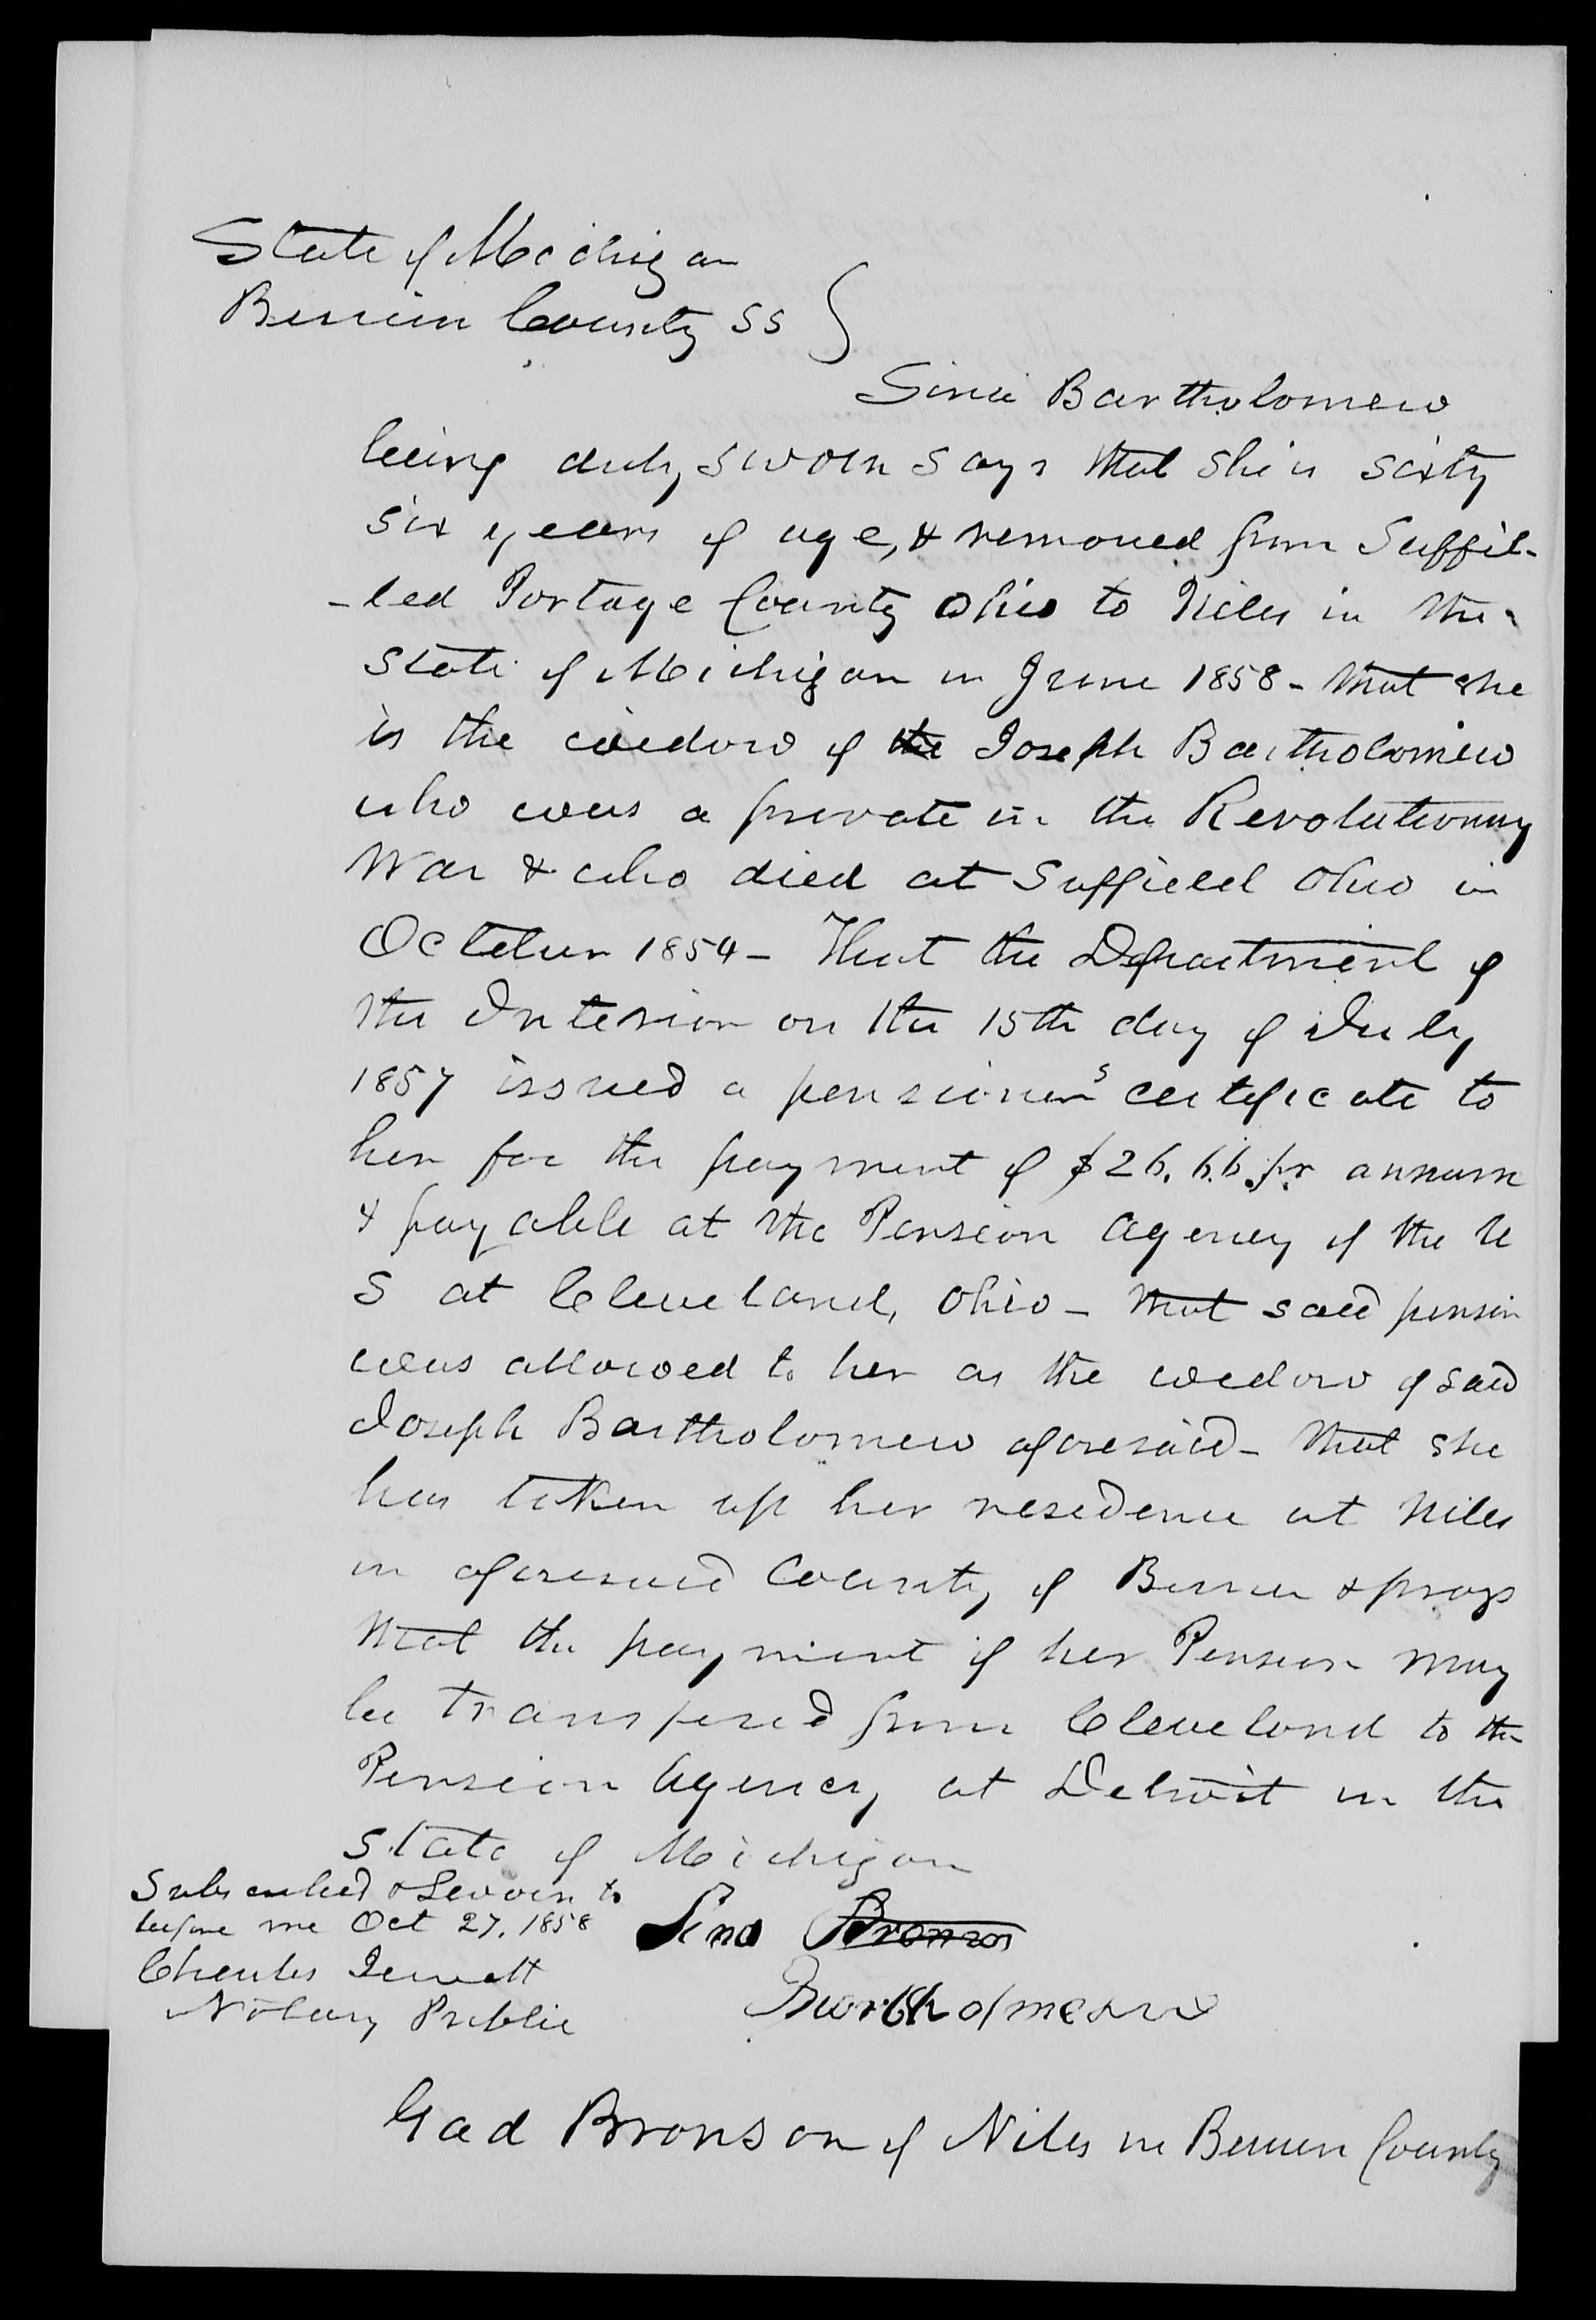State of Michigan
Berrien County SS
⎬Sina Bartholomew
being duly sworn says that she is sixty
six years of age, & removed from Suffie-
ld Portage County Ohio to Niles in the
State of Michigan in June 1858. that she
is the widow of (the) Joseph Bartholomew
who was a private in the Revolutionary War
& who died at Suffield Ohio in
October 1854 - That the Department of
the Interior on the 15th day of July
1857 issued a pension certificate to
her for the payment of $26.66 per annum
& payable at the Pension Agency of the U
S at Cleveland, Ohio, that said pension
was allowed to her as the widow of said
Joseph Bartholomew aforesaid - that she
has taken up her residence at Niles
in aforesaid County of Berrien & prays
that the payment of her pension may
be transfered from Cleveland to the
Pension Agency at Detroit in the
State of Michigan
Subscribed & sworn to
before me Oct 27, 1858     Sina (Bronson)
Charles Jewett                      Bartholomew
Notary Public
March of many
God Bronson of Niles in Berrien County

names: Joseph Bartholomew, Joseph Bartholomew, Sina Bartholmew, Gad Bronson, Sina Bartholomew, Charles Jewett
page: 44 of 76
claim: widow's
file: W. 9345, Joseph Bartholomew, Conn.